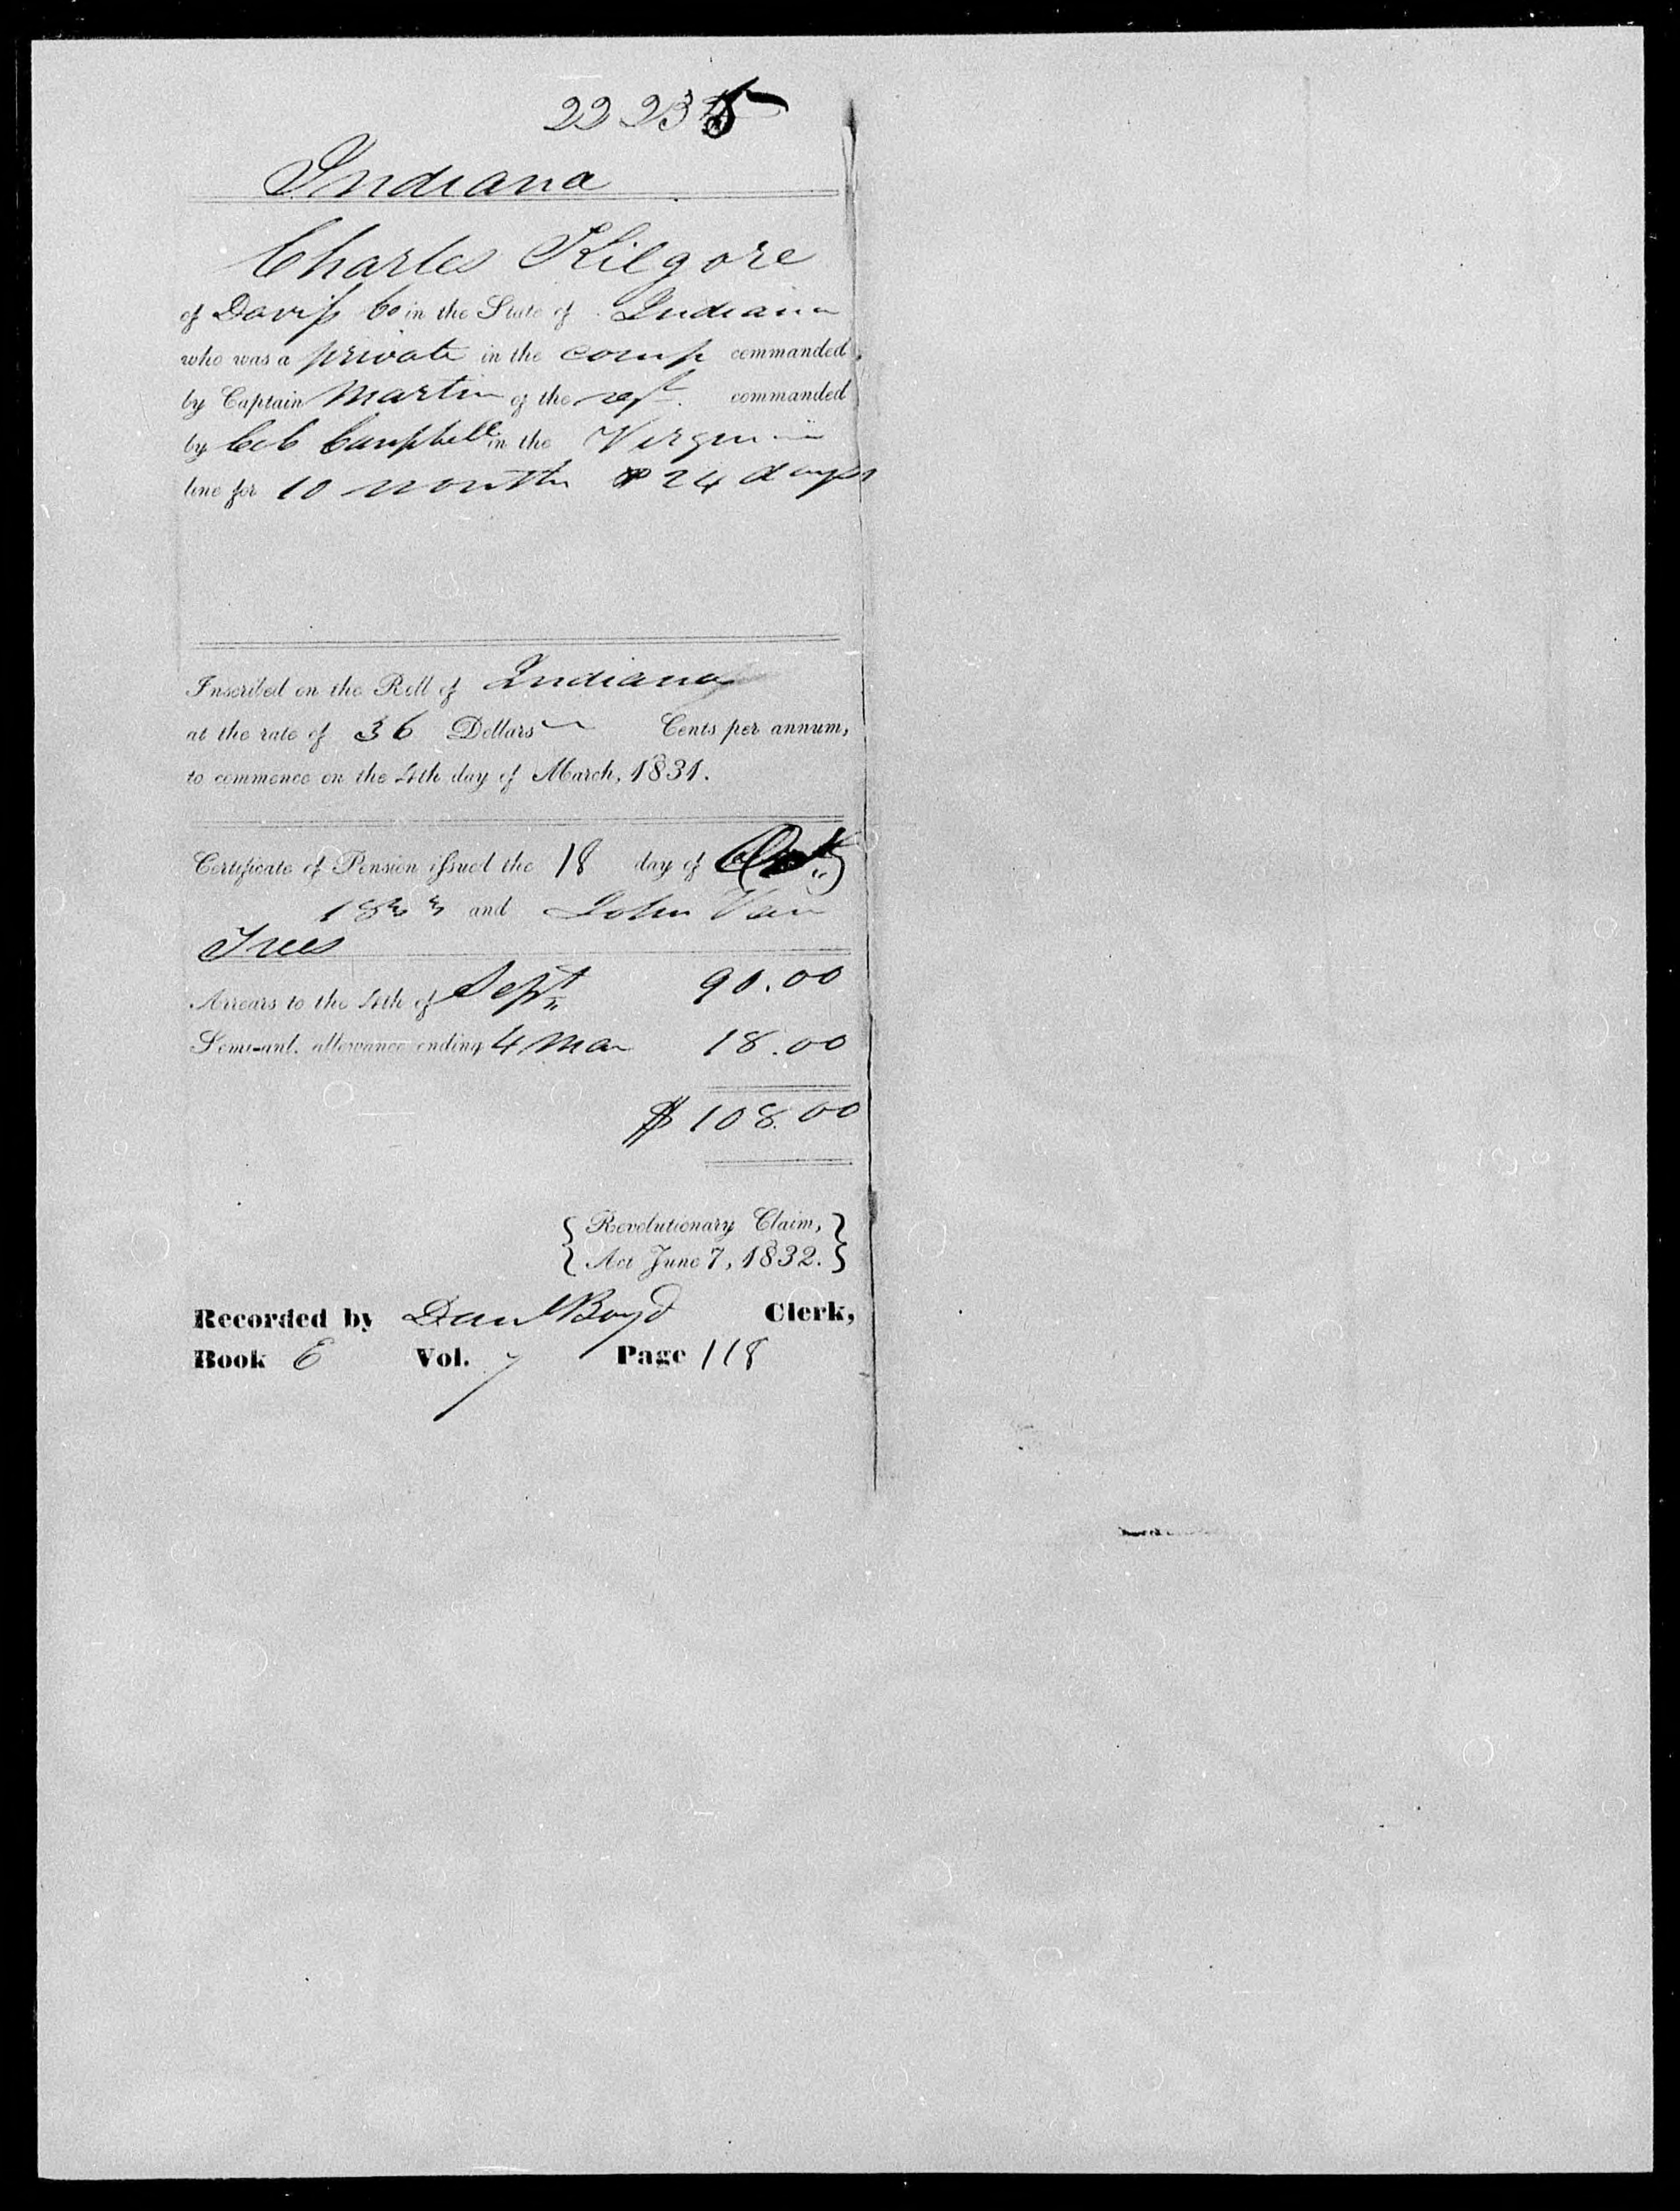22235
Indiana

Charles Kilgore of Daviss [Daviess] Co in the State of Indiana who was a private in the comp commanded by Captain Martin of the regt. commanded by Col Campbell in the Virginia line for 10 months & 24 days

Inscribed on the Roll of Indiana at the rate of 36 Dollars - Cents per annum, to commence on the 4th day of March, 1834.

Certificate of Pension issued the 18 day of [illegible] 1833 and John Van Trees

Arrears to the 4th of Sept  90.00
Semi-anl. allowance ending 4 Mar  18.00
$108.00

{Revolutionary Claim, Act June 7, 1832.}
Recorded by Danl Boyd Clerk, Book E Vol. 7 Page 118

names: [BLANK] Campbell; John Van Trees; Charles Kilgore; [BLANK] Martin; Danl Boyd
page: 84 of 115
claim: survivor's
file: S. 699, for Charles Kilgore, Virginia